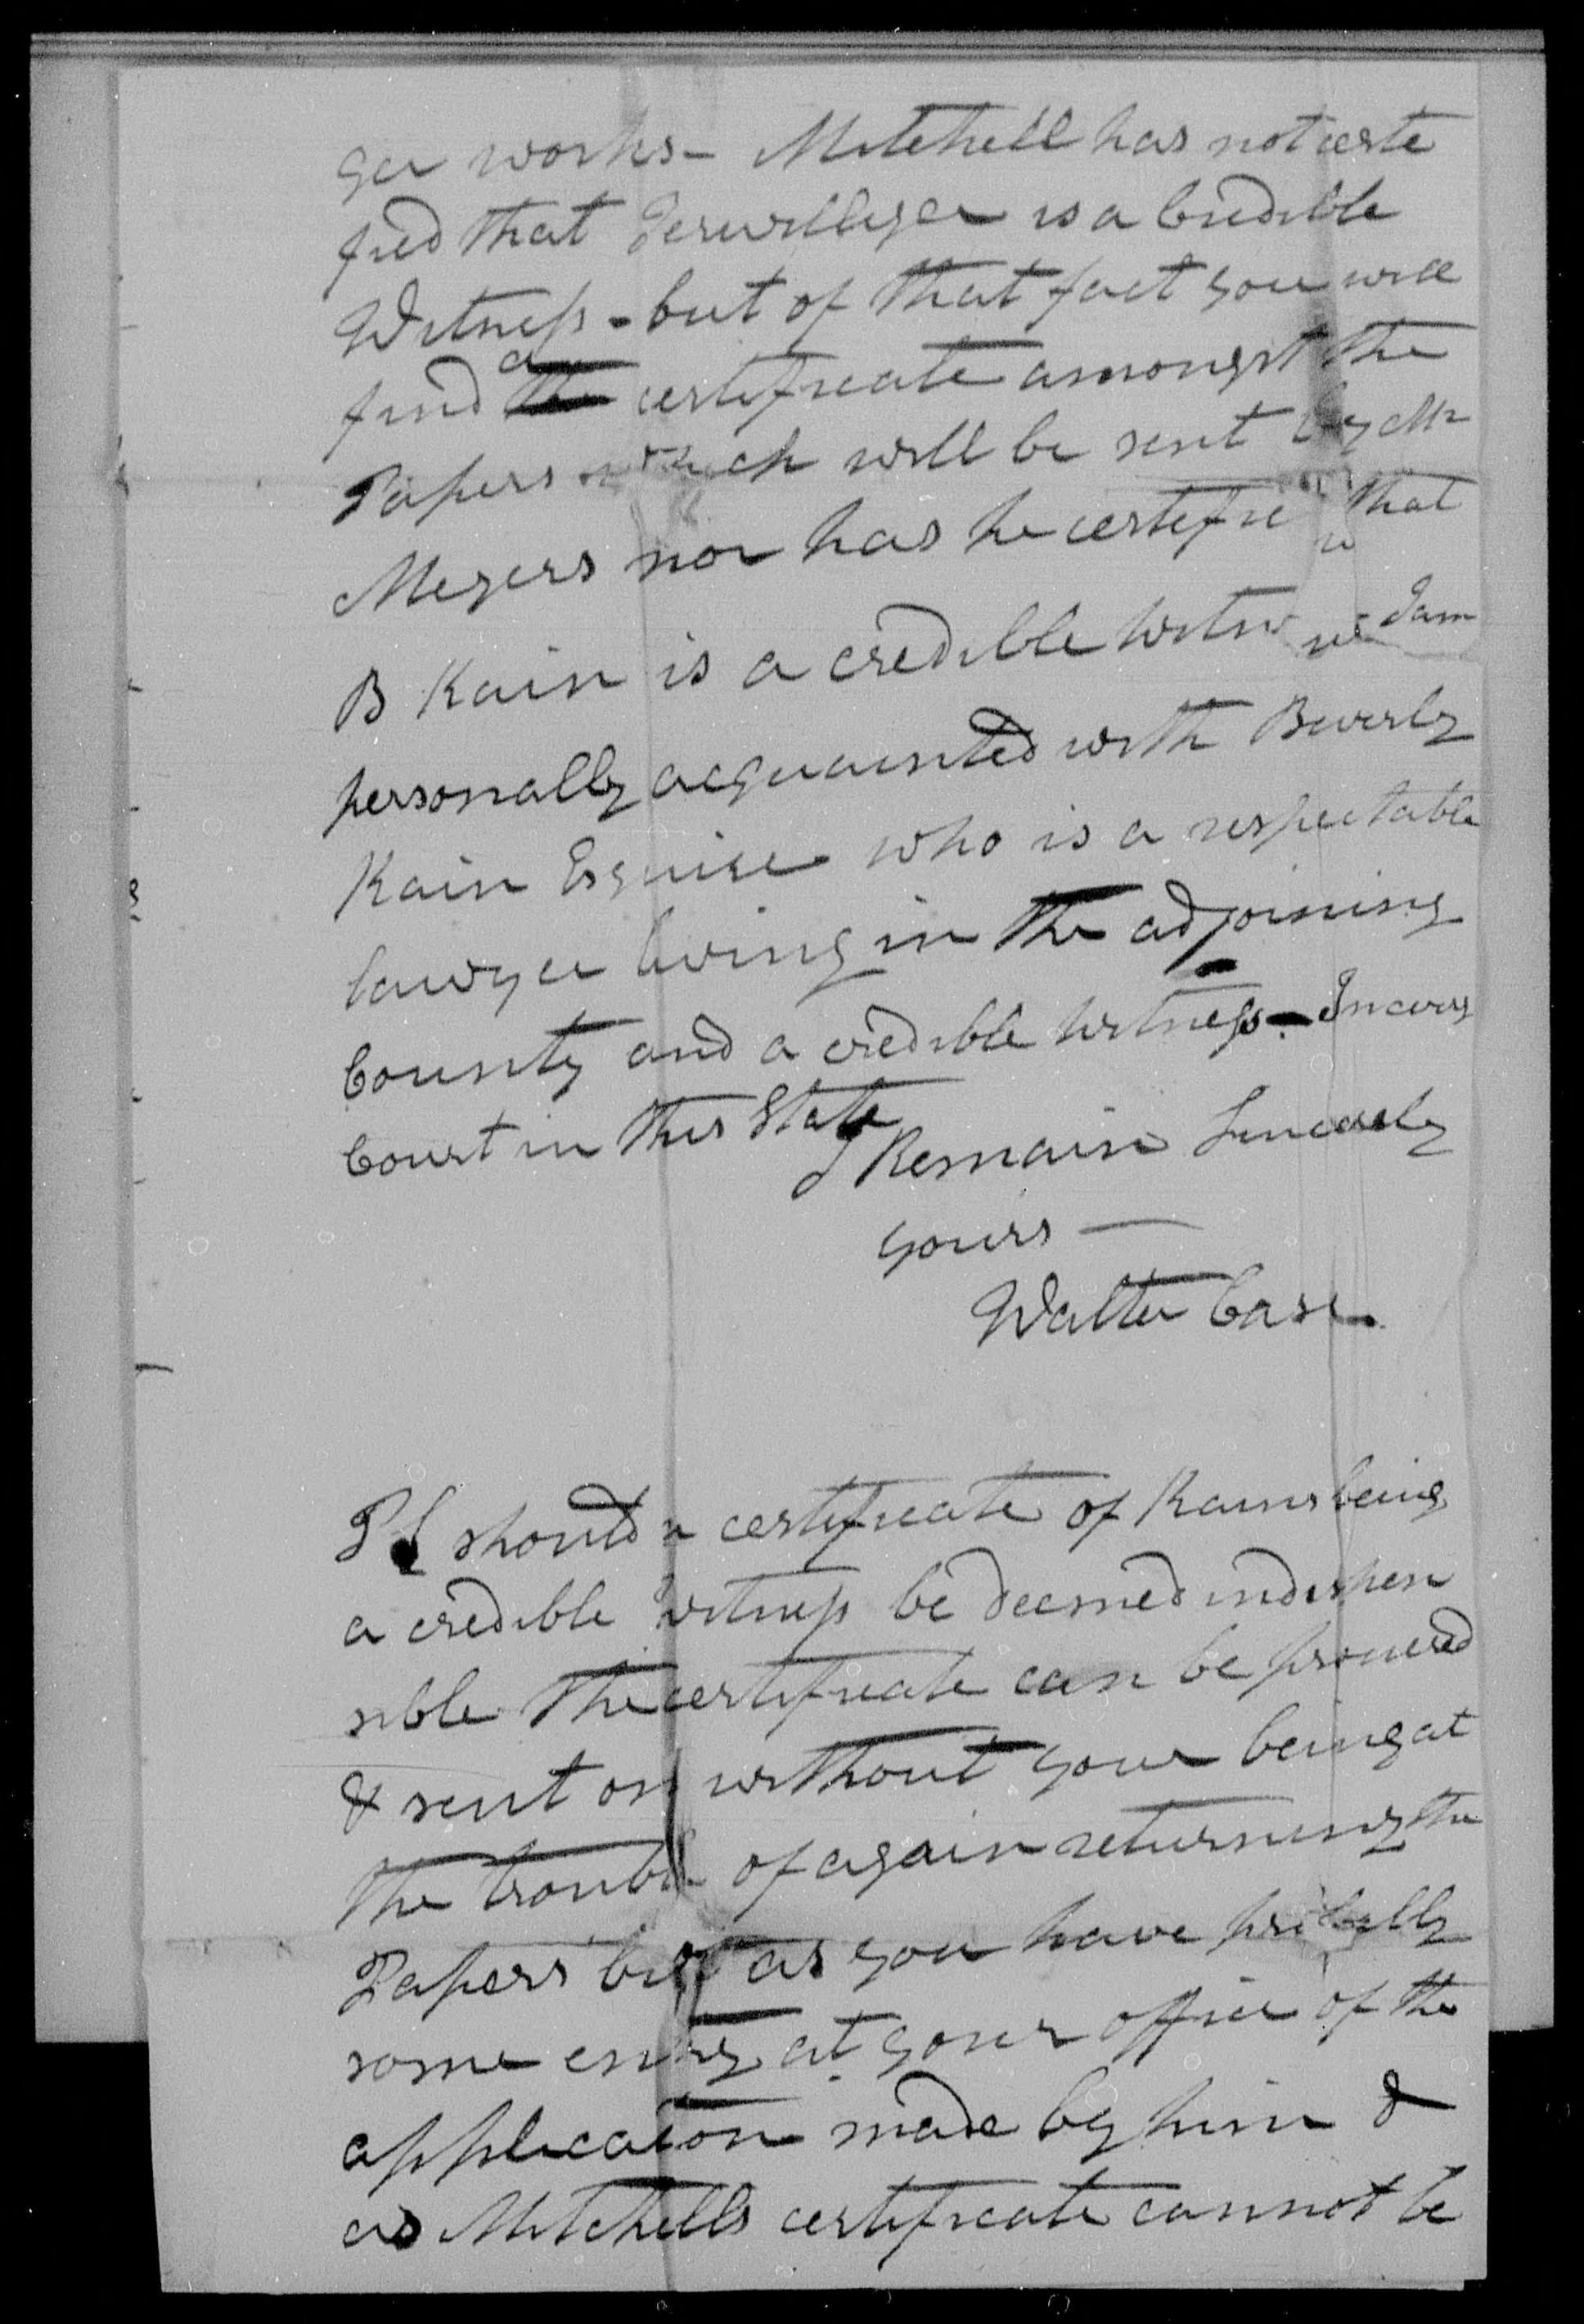ger works-- Mitchell has not certified
 that Terwilliger is a credible
Witness-- but of that fact you will
find a certificate amongst the
Papers which will be sent by Mr
Meyers nor has he certified that B Kain
is a credible witness
I am personally
acquainted with Beverly
Kain Esquire who is a respectable
lawyer living in the adjoining
County and a credible witness-In
Court in this State 
Remain Sincerely
Yours
Walter Case

[illegible]
certificate of Kains being
a credible
witness be deemed [illegible] the certificate can be proved
& sent on
without your being at
the trouble of again returning the
Papers but as you have probably
some evry at your office of the application
made by him &
a Mitchells certificate cannot be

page: 26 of 64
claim: survivor's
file: S. 42,464, for William Terwilliger, New York